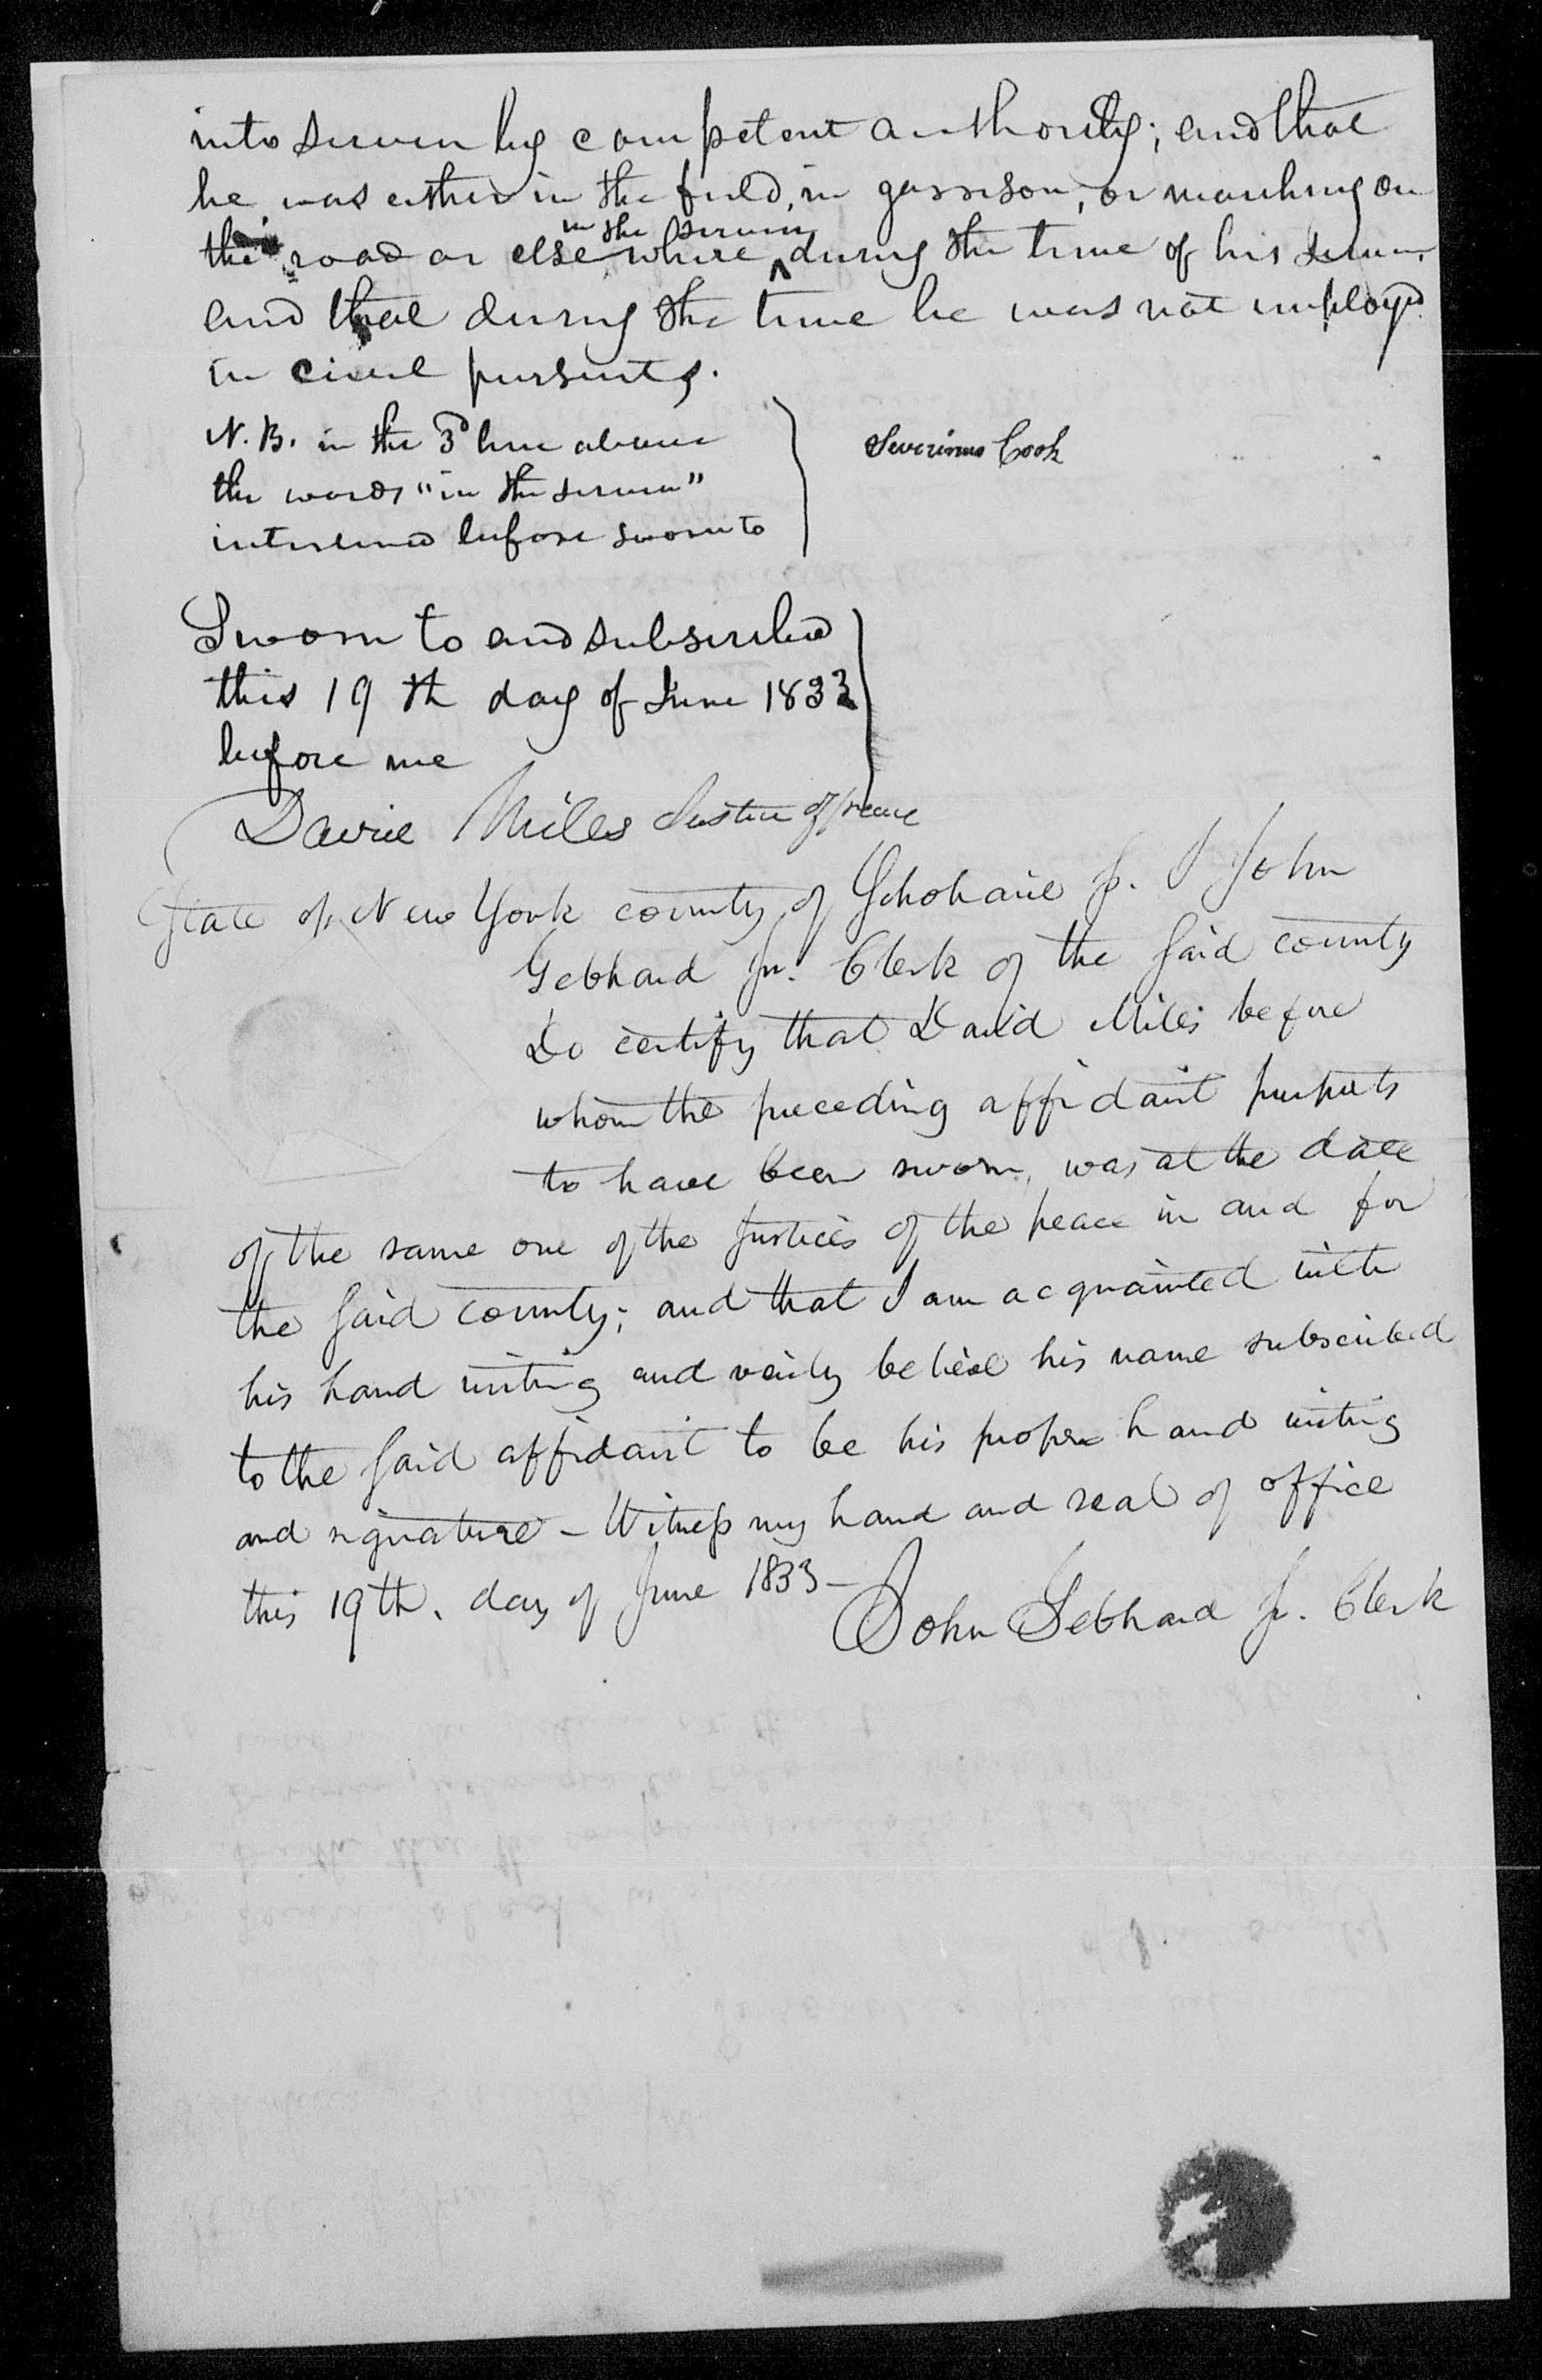into service by competent authority and that he was either in the field, in garrison, or marching on the road or elsewhere in the service during the time of his service. And there during the time he was not employed in civil pursuits. 

N.B. in the 3 hr absence the words "in the service" interred before sworn to

Severinus Cook

Sworn to and subscribed this 19th day of June 1833 before me 
David Miles Justice of Peace

State of New York County of Schoharie p: I John Gebhard Jr Clerk of the said county do certify that David Miles before me whom the preceding affidavit purports to have been sworn was at the date of the same one of the Justices of the Peace in and for the said county, and that I am acquainted with his hand writing and verily believe his name subscribed to the said affidavit to be his proper hand writing and signature. Witness my hand and seal of office this 19th day of June 1833.
John Gebhard Jr Clerk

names: John Gebhard, David Miles, David Miles, Severinus Cook, John Gebhard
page: 4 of 51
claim: survivor's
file: S. 12563, Severinus Cook, New York